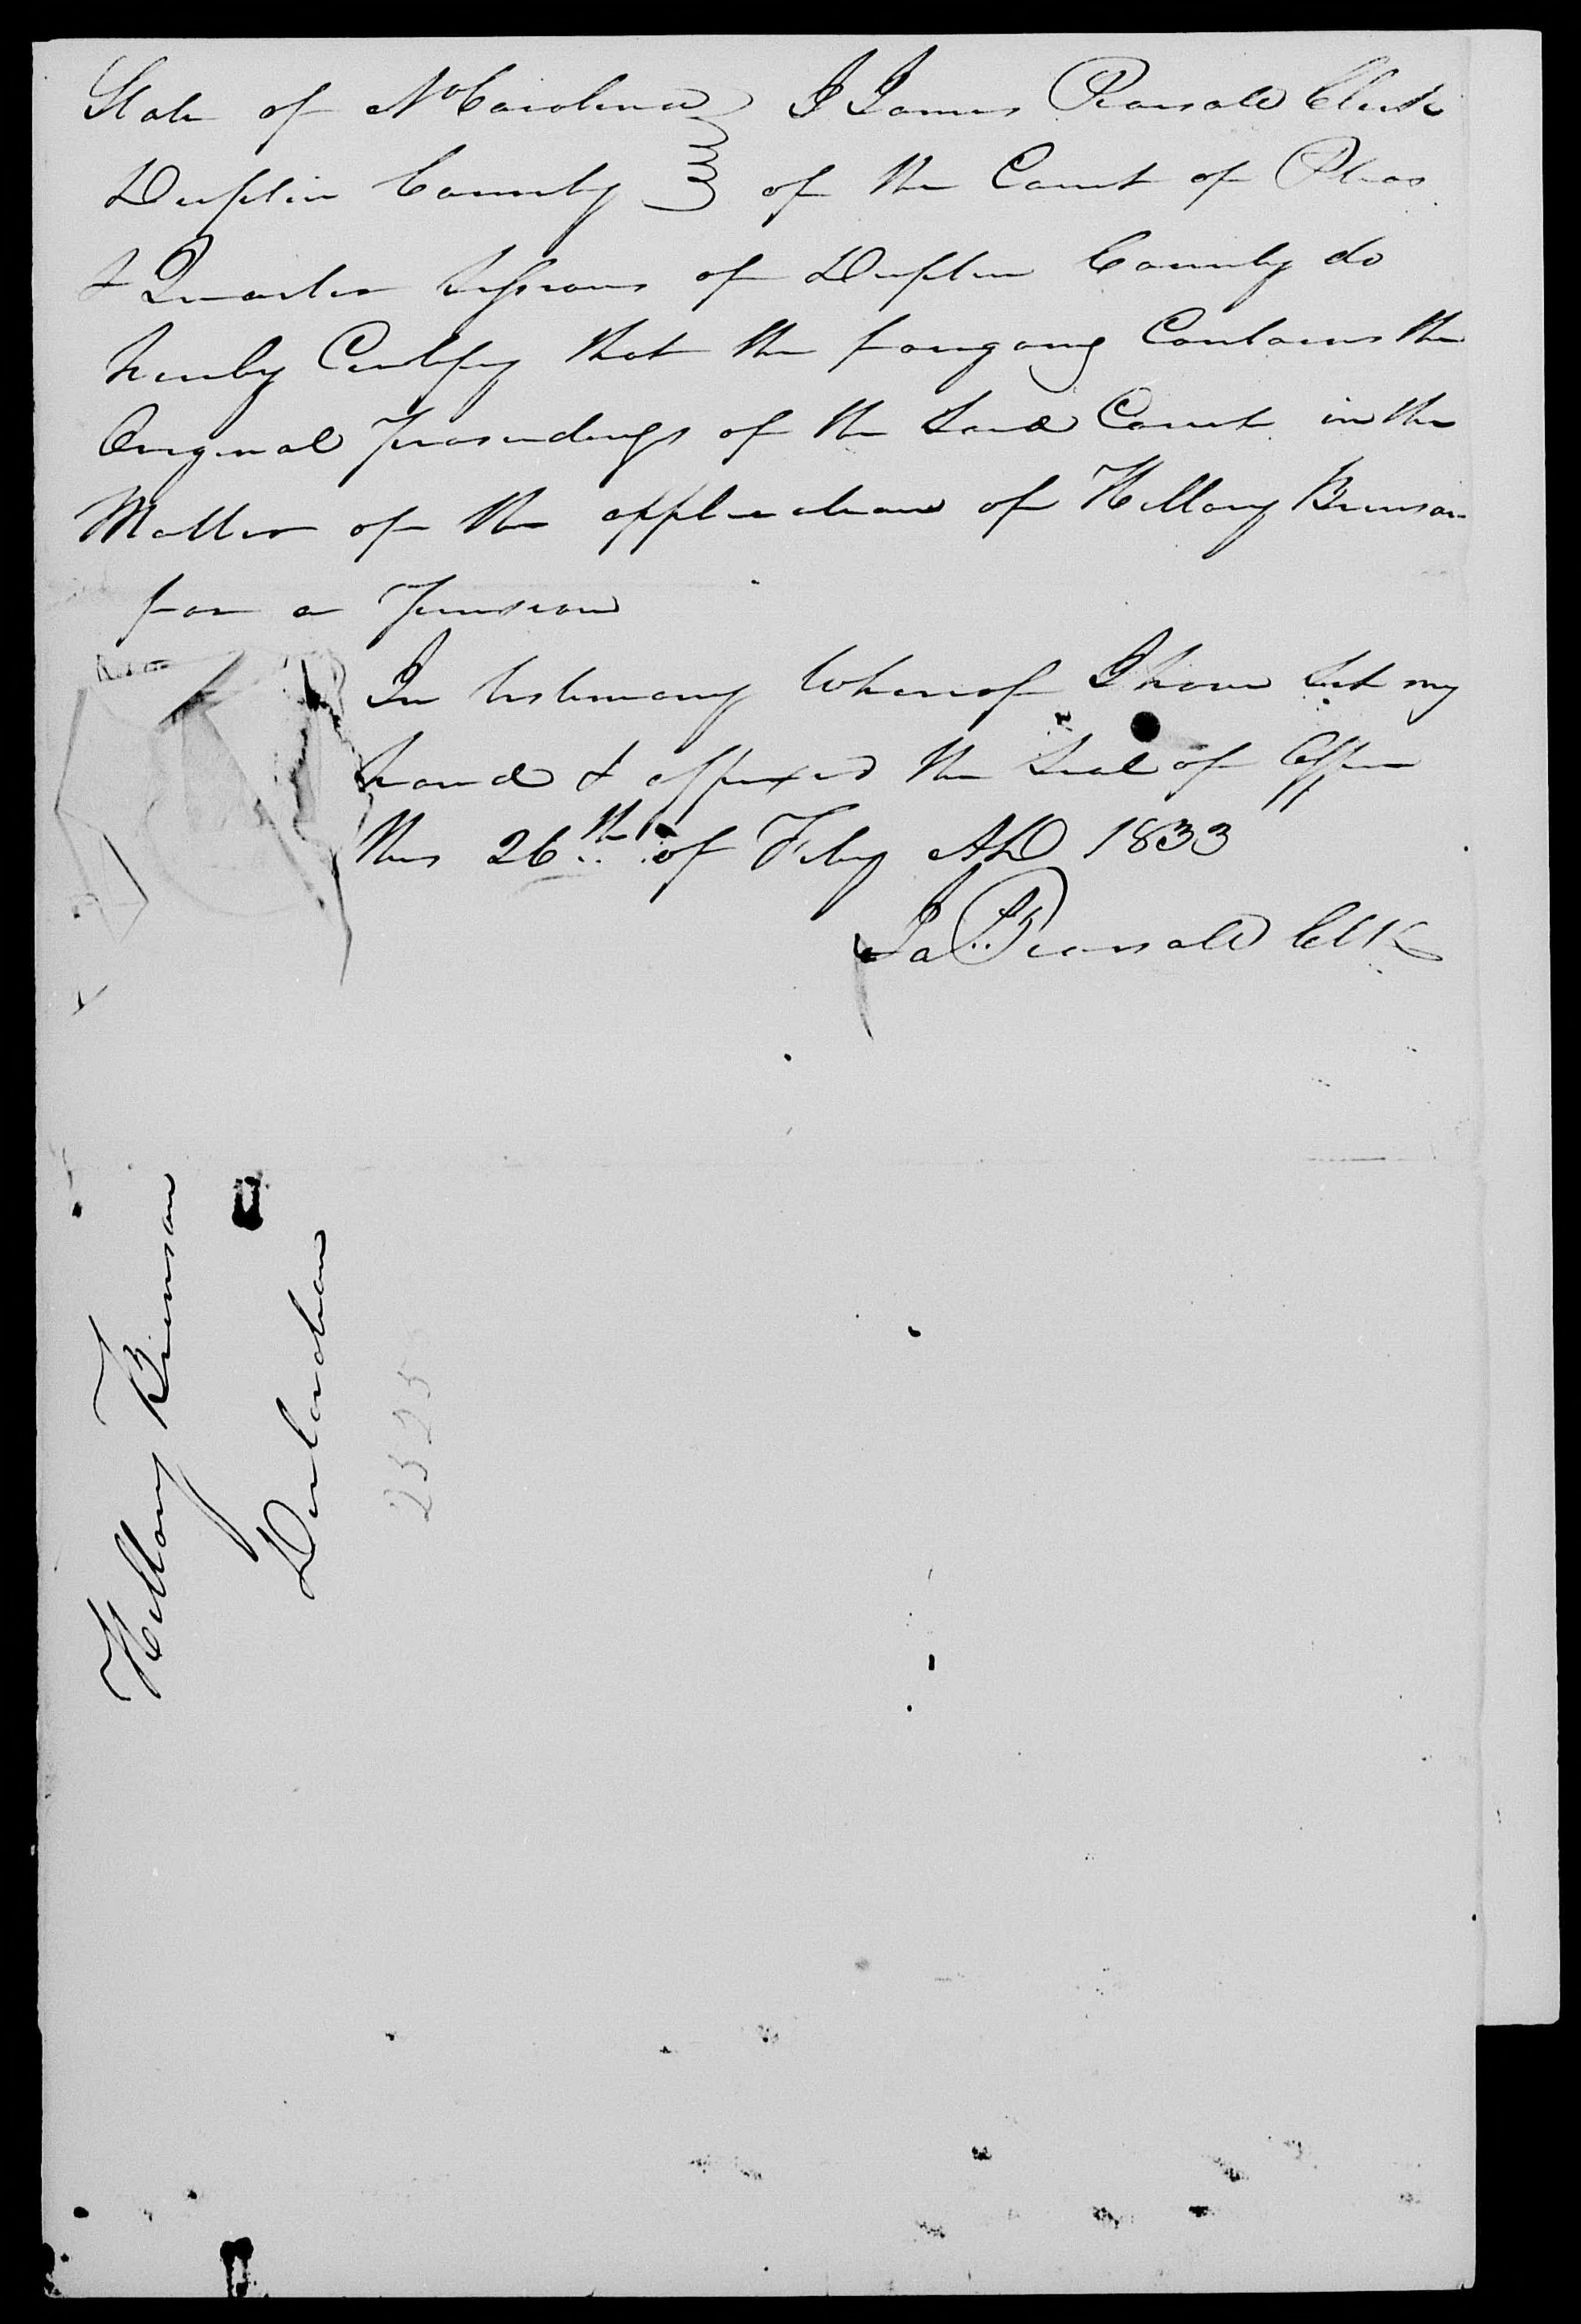State of No Carolina 
Duplin County }

I James Ronald Clerk of the Court of Pleas and Quarter sessions of Duplin County do hereby certify that the foregoing contains the Original findings of the said court in the matter of the applications of Hillary Brinson for a pension.

In testimony whereof I have set my hand and affixed the seal of office this 26th of July AD 1833.  Jas Ronald Clerk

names: Hillary Brinson, Jas Ronald, Hillary Brinson, James Ronald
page: 32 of 38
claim: widow's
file: W. 5231, Hilary Brinson, N.C.